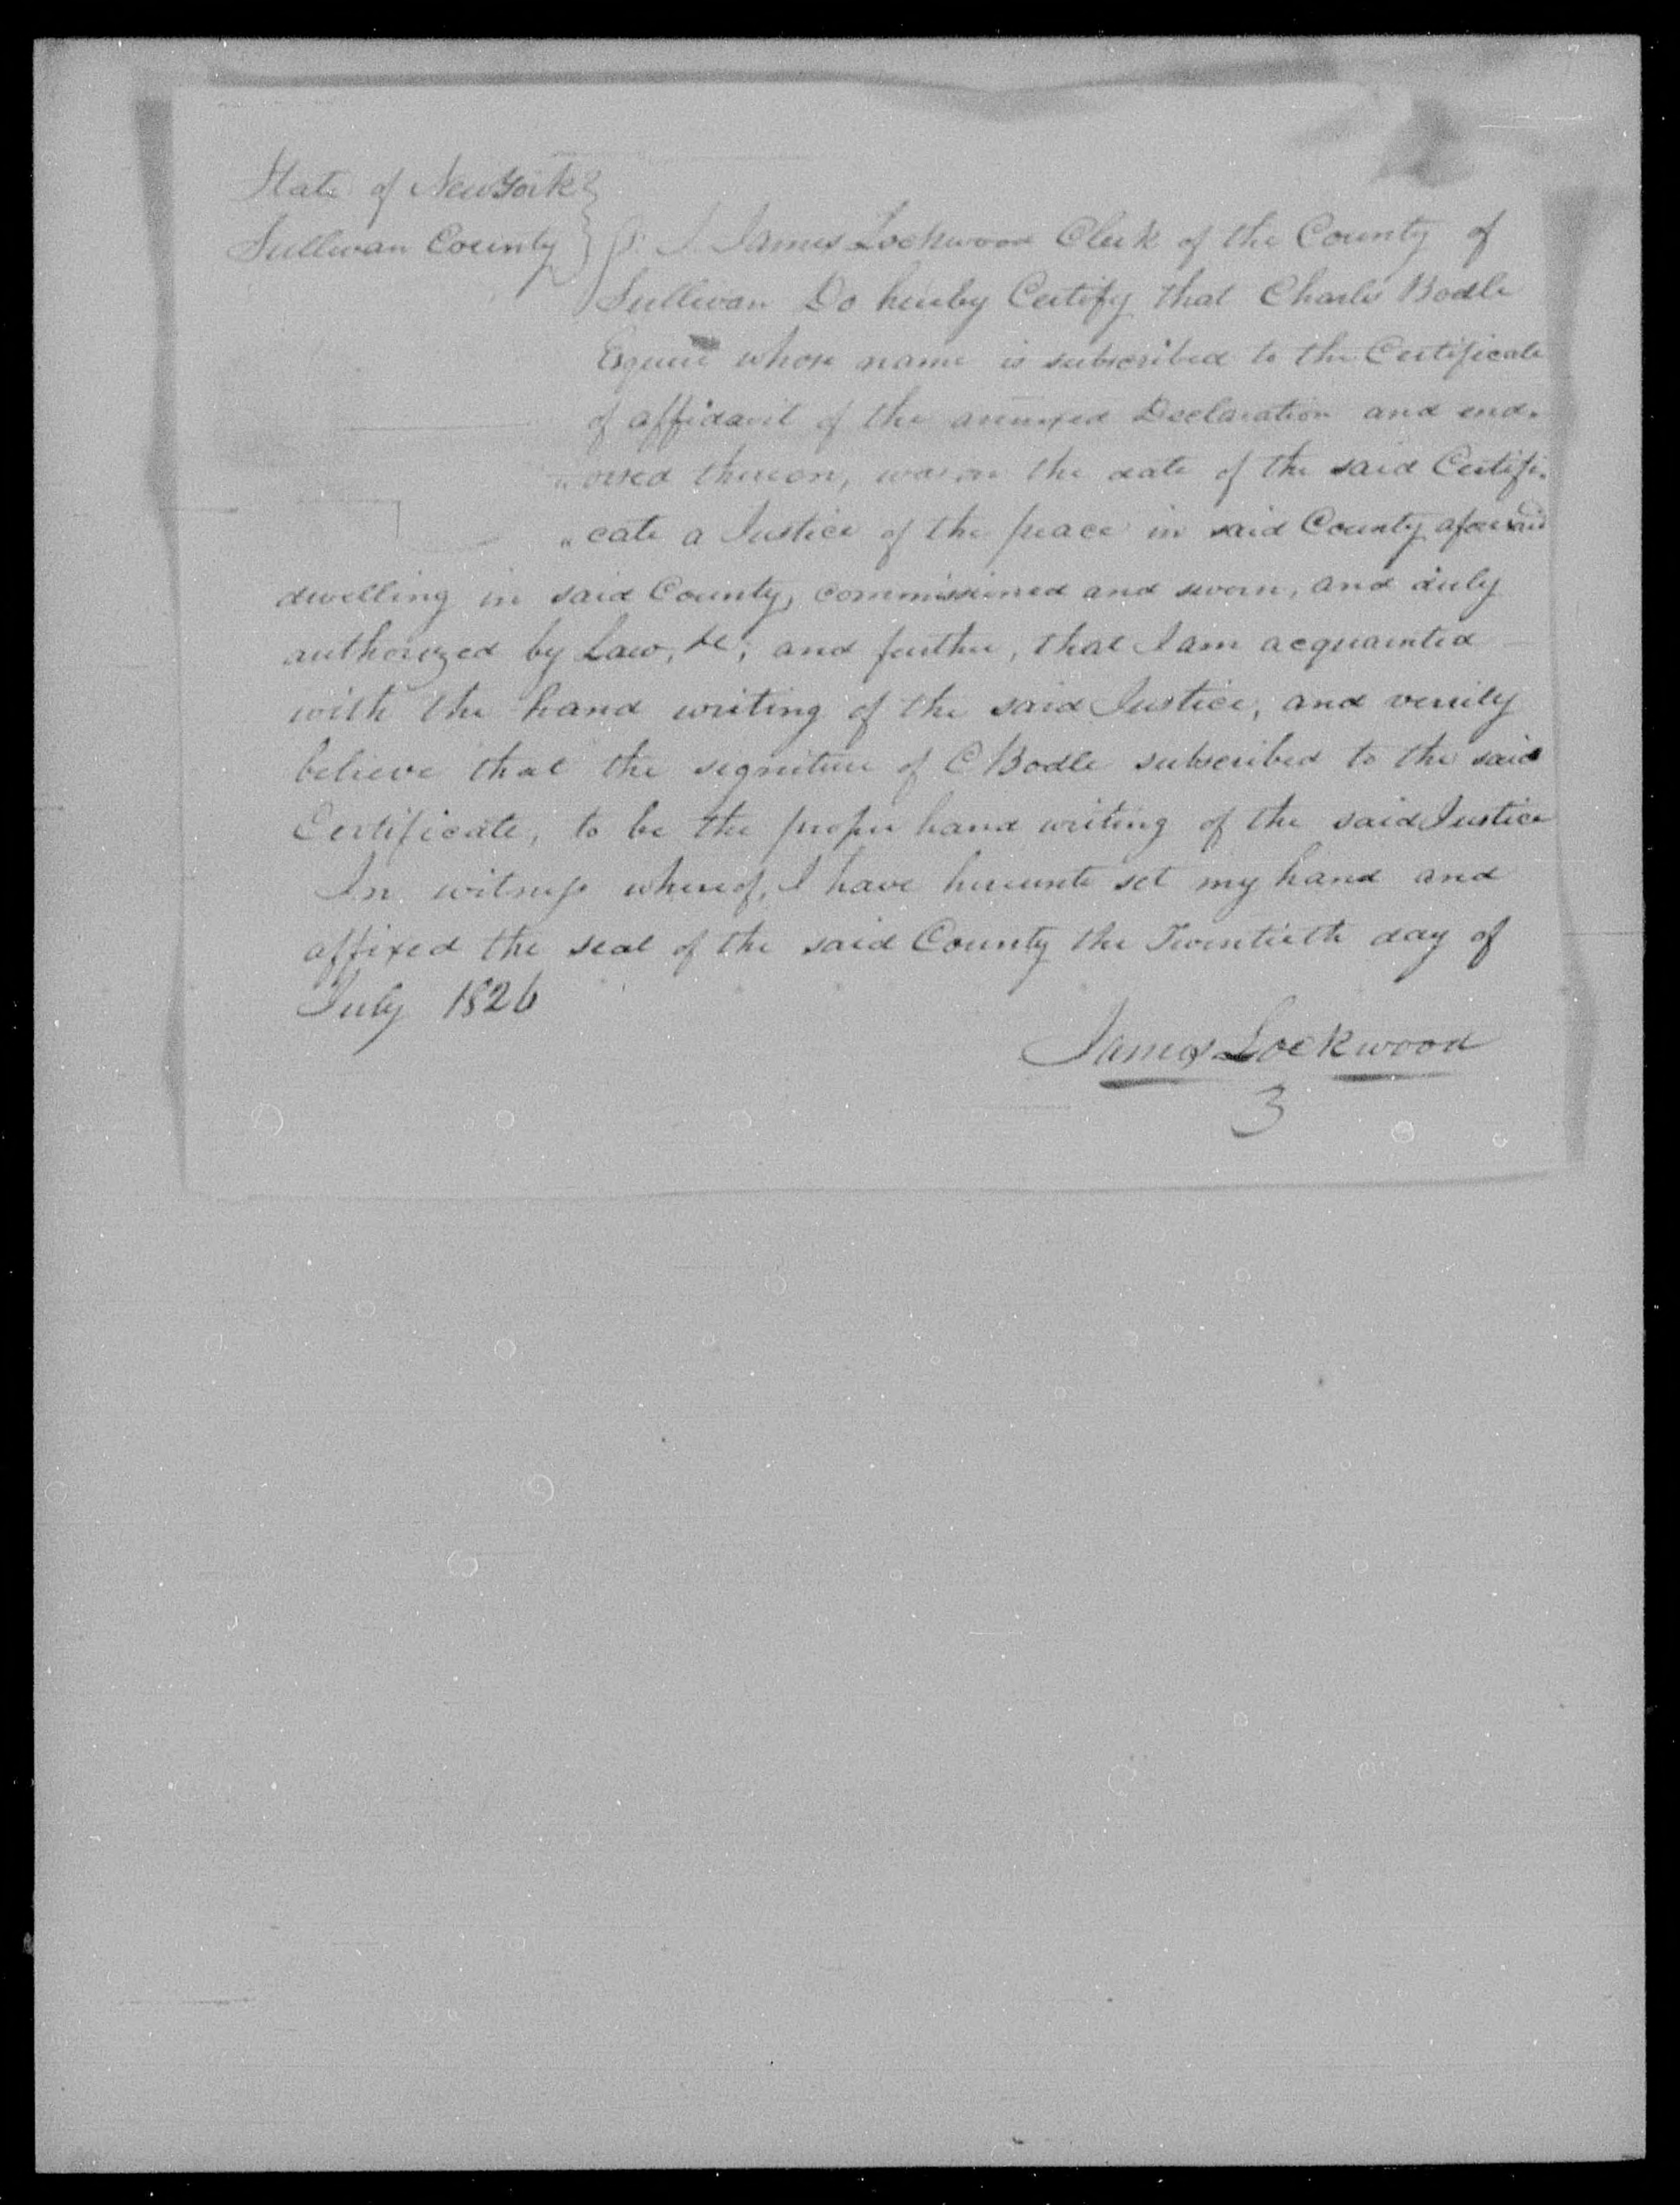State of New York
Sullivan County
James Lockwood Clerk of the County of
Sullivan Do hereby Certify that Charles Bodle
Esquire whose name is subscribed to the Certificate
of affidavit of the annexed Declaration and endorsed thereon, was on the date of the said Certificate
a Justice of the peace in said County aforesaid
dwelling in said County, commissioned and sworn, and duly
authorized by law, &c. and further, that I am acquainted with
the hand writing of the said Justice, and verily
believe that the signature of Bodle subscribed to the said
Certificate, to be the proper hand writing of the said Justice
In witness whereof, I have hereunto set my hand and
affixed the seal of the said County the Twentieth day of
July 1826
James Lockwood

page: 36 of 64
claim: survivor's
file: S. 42,464, for William Terwilliger, New York